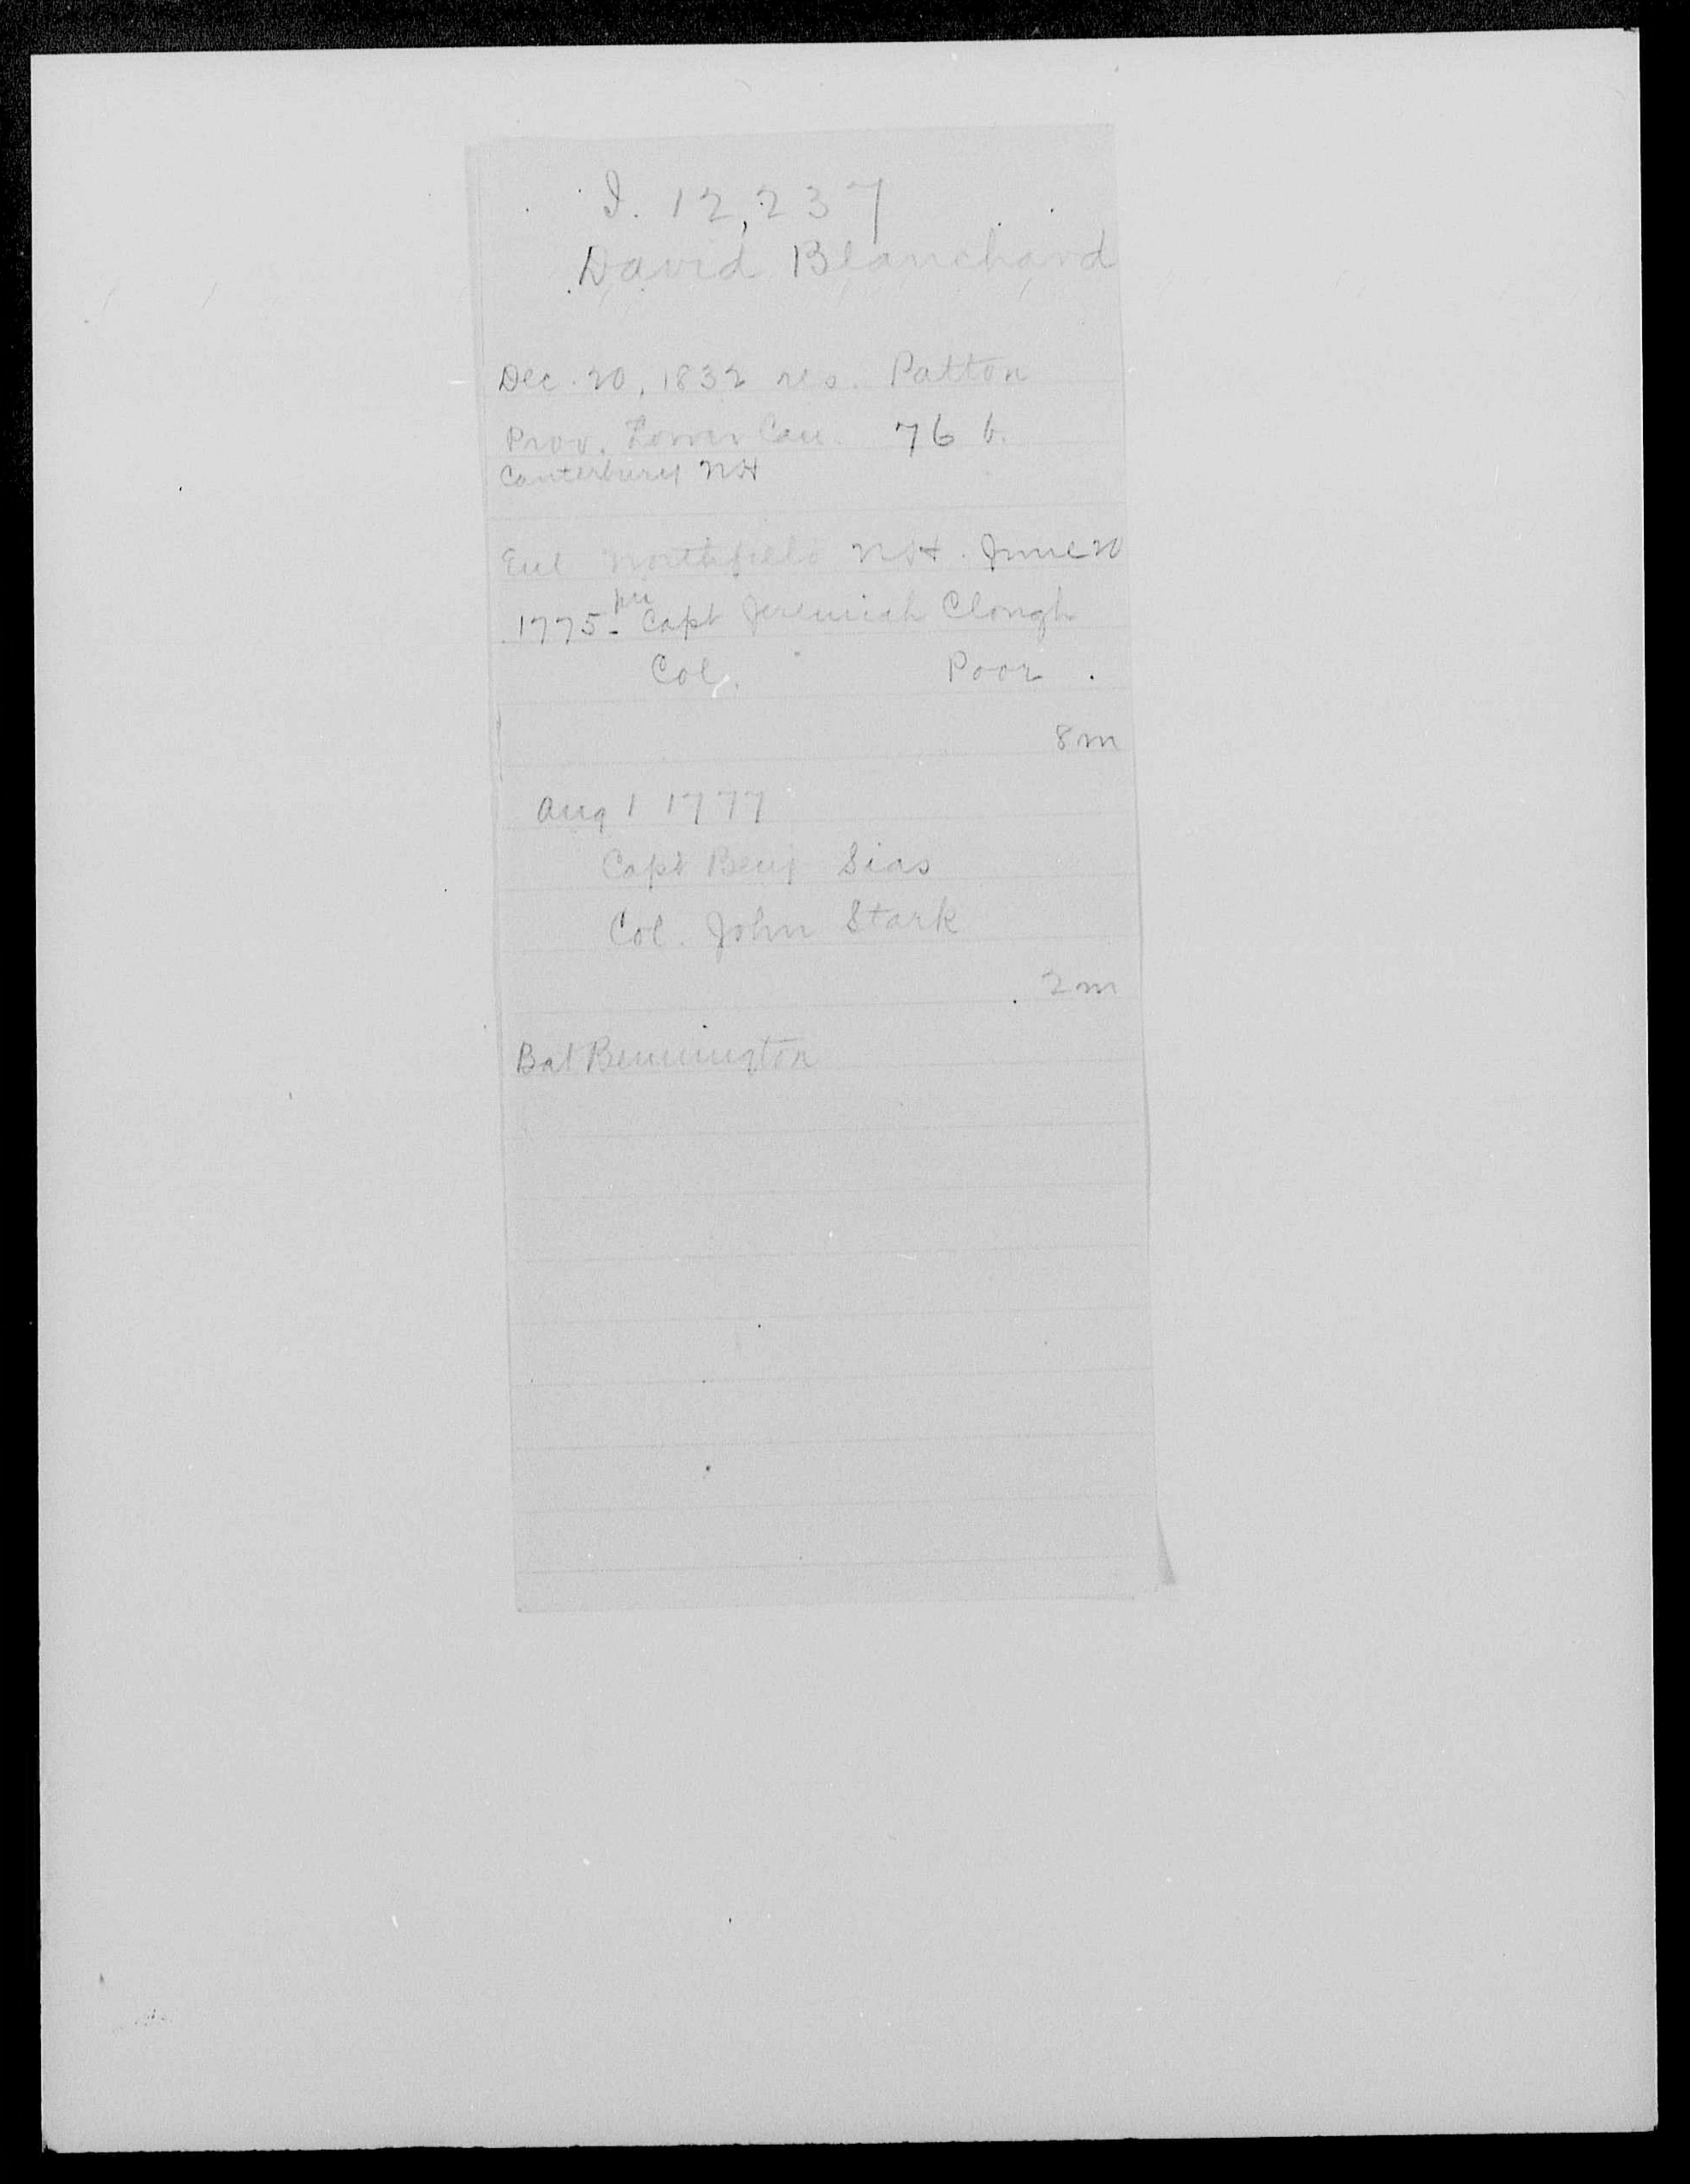I. 12,237
David Blanchard
Dec 20, 1832 res. Potton Prov Lower Can 76 
b Canterbury NH
Ent Northfield NH James
1775 per Capt Jeremiah Clough
Col Poor
8m
Aug 1 1777
Capt Benj Sias
Col John Stark
2m
Bat Bennington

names: David Blanchard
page: 12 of 23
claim: survivor's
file: S. 12237, David Blanchard, N. H.